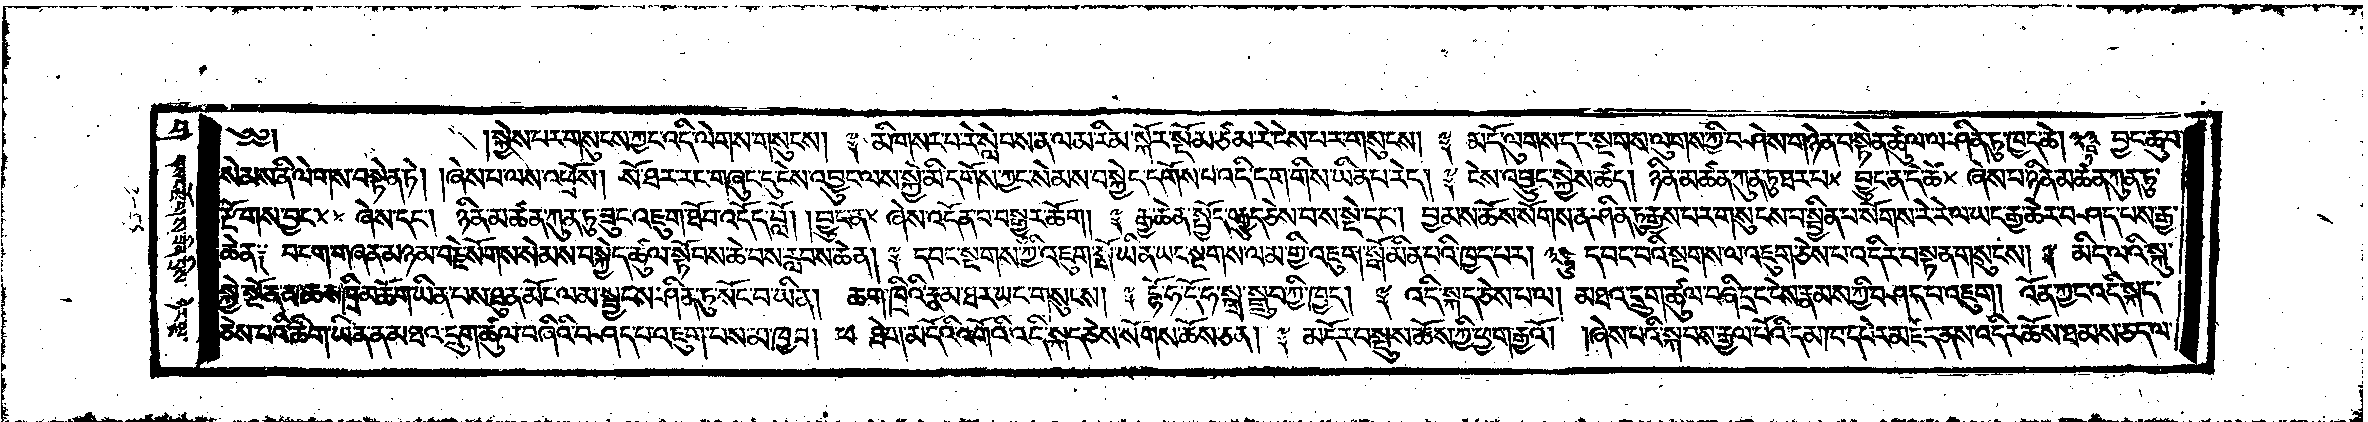༄༅། །སྐྱེས་པར་གསུངས་ཀྱང་འདི་ལེགས་གསུངས། ༈ མི་གསར་པ་རེ་སླེབས་ན་ལམ་རིམ་སྐོར་སྡོམ་ཙམ་རེ་ངེས་པར་གསུངས། ༈ མདོ་ལུགས་དང་སྔགས་ལུགས་ཀྱི་བཤེས་གཉེན་བསྟེན་ཚུལ་ལ་ཤིན་ཏུ་ཁྱད་ཆེ། ༣༣བ༡་བྱང་ཆུབ་
སེམས་ནི་ལེགས་བསྟེན་ཏེ། །ཞེས་པ་ལས་འཕྲོས། སོ་ཐར་རང་གཞུང་དུ་ངེས་འབྱུང་ལས་སྐྱེ་མི་དགོས་ཀྱང་སེམས་བསྐྱེད་དགོས་པ་འདི་དག་གིས་ཡིན་པ་རེད། ༈ ངེས་འབྱུང་སྐྱེས་ཚད། ཉིན་མཚན་ཀུན་ཏུ་ཐར་པ྾་བྱུང་ན་དེ་ཚེ྾་ཞེས་པ་ཉིན་མཚན་ཀུན་ཏུ་
རྫོགས་བྱང྾྾་ཞེས་དང་། ཉིན་མཚན་ཀུན་ཏུ་ཟུང་འཇུག་ཐོབ་འདོད་བློ། །བྱུང་ན྾་ཞེས་འདོན་པ་བསྒྱུར་ཆོག། ༈ རྒྱ་ཆེན་སྤྱོད་བརྒྱུད་ཅེས་པ་ས་སྡེ་དང་། བྱམས་ཆོས་སོགས་ན་ཤིན་ཏུ་རྒྱས་པར་གསུངས་པ་སྦྱིན་པ་སོགས་རེ་རེ་ལ་ཡང་རྒྱ་ཆེར་བཤད་པས་རྒྱ་
ཆེན༑ བདག་གཞན་མཉམ་བརྗེ་སོགས་སེམས་བསྐྱེད་ཚུལ་སྟོབས་ཆེ་བས་རླབས་ཆེན། ༈ དབང་སྔགས་ཀྱི་འཇུག་སྒོ་ཡིན་ཡང་སྔགས་ལམ་གྱི་འཇུག་སྒོ་མིན་པའི་ཁྱད་པར། ༣༤བ༦་དབང་བའི་སྔགས་ལ་འཇུག་ཅེས་པ་འདིར་བསྟན་གསུངས། ༈ མིད་ལའི་སྐུ་
སྐྱེ་སྔོན་མ་ཆས་ཁྲི་མ་ཆོག་ཡིན་པས་ཐུན་མོང་ལམ་སྦྱང་ཤིན་ཏུ་སོང་བ་ཡིན། ཆག་ཁྲིའི་རྣམ་ཐར་ཡང་གསུངས། ༈ དྷོ་ཧ་དོ་ཧ་སྒྲ་སྒྲུབ་ཀྱི་ཁྱད། ༈ འདི་སྐད་ཅེས་པ་ལ། མཐའ་དྲུག་ཚུལ་བཞི་དྲང་ངེས་རྣམས་ཀྱི་བཤད་པ་འཇུག། འོན་ཀྱང་འདི་སྐད་
ཅེས་པའི་ཚིག་ཡིན་ན་མཐའ་དྲུག་ཚུལ་བཞིའི་བཤད་པ་འཇུག་པས་མ་ཁྱབ། ཕ་ཐེག་མདོའི་འགོའི་འདི་སྐད་ཅེས་སོགས་ཆོས་ཅན། ༈ མདོར་བ་སྤུས་ཆོས་ཀྱི་ཕྱག་རྒྱའོ། །ཞེས་པའི་སྐབས་རྒྱལ་པོའི་དམ་ཁ་དཔེར་མཛད་ནས་འདིར་ཆོས་ཐམས་ཅད་ལ་